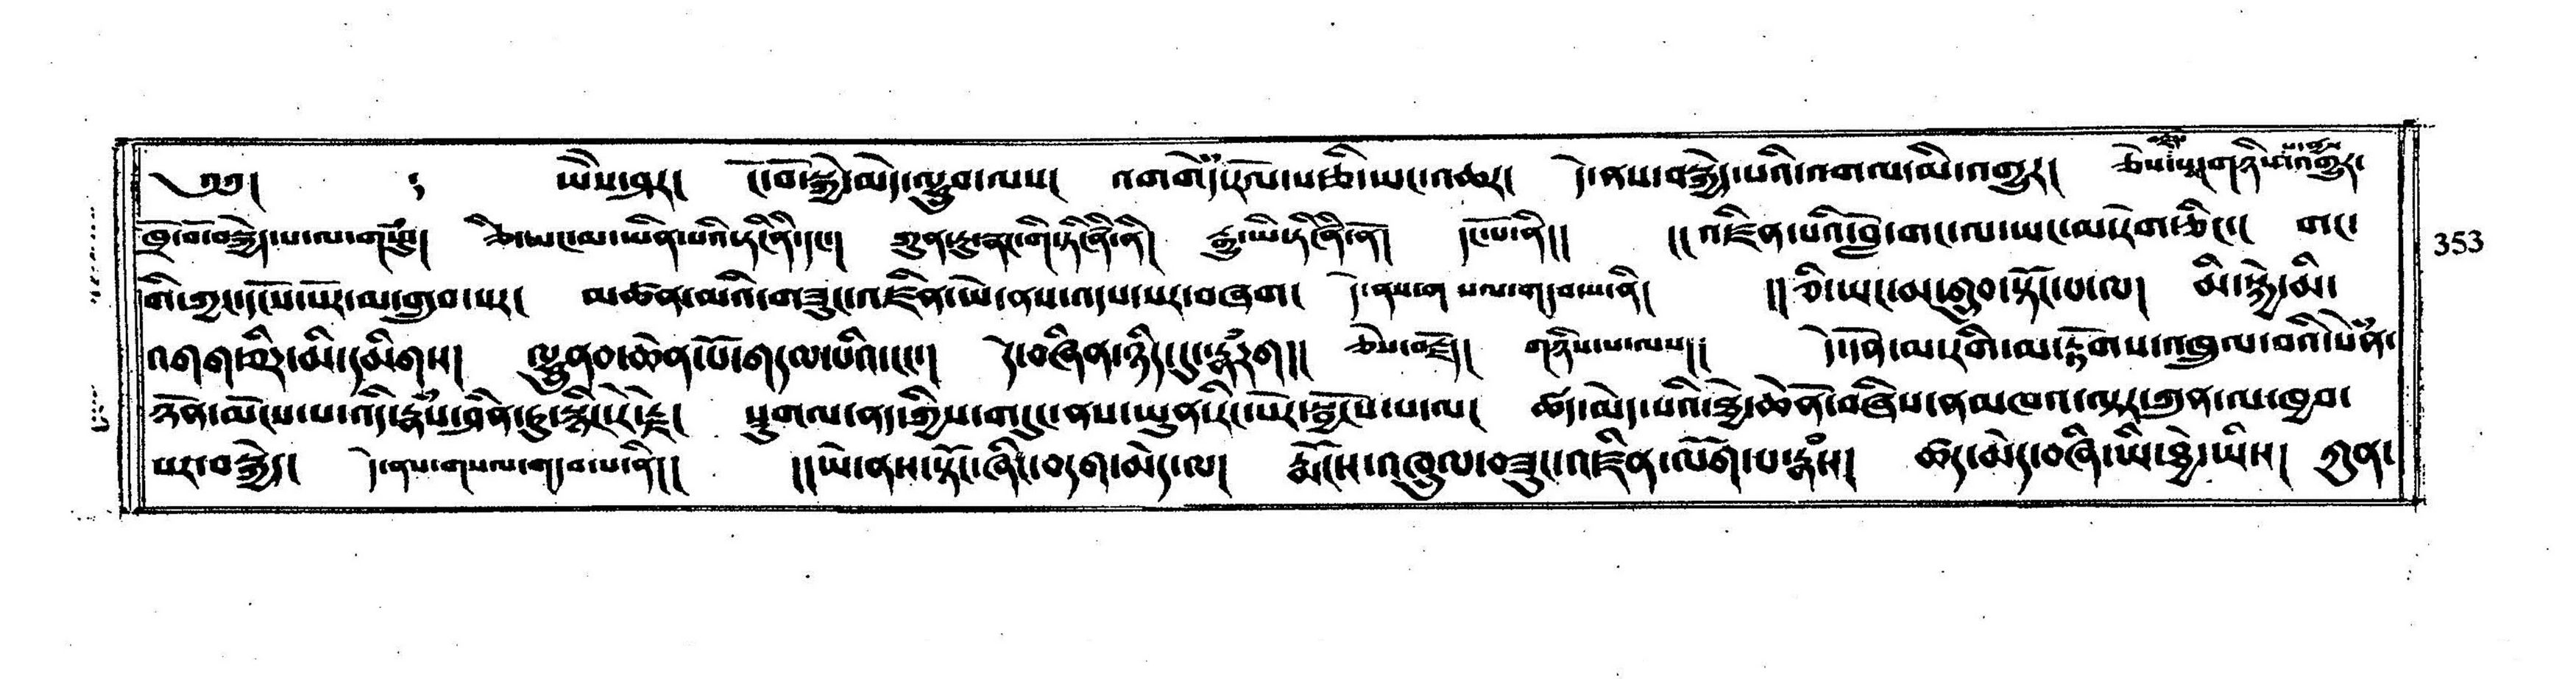ཡེ་ཤེས་ཤར། ངོ་བོ་སྐྱེ་མེད་ལྷུན་གྲུབ་ལས། འགག་མེད་རོལ་པ་ཅི་ཡང་འཆར། དེ་ནས་བསྐྱེད་པའི་འགལ་མི་འགྱུར། ཅེས་བརྗོད་པས། གཉིས་པ་གནས་འགྱུར་
ཁྲོ་བོ་བསྐྱེད་པ་ལ་གསུམ། ཅི་ཡང་མ་ཡིན་པའི་ཏིང་འཛིན་དང་། ཀུན་ཏུ་སྣང་གི་ཏིང་འཛིན་དང་། རྒྱུ་ཡི་ཏིང་འཛིན་ནོ། དང་པོ་ནི།། འཛིན་པའི་བློ་གང་ལ་ཡང་མ་རེག་ཅིང་། གང་
གི་ཀྱང་དངོས་པོར་མ་གྲུབ་པར། མཚན་མའི་གཟུང་འཛིན་ཡེ་ནས་འདས་པར་བཞག དེ་ནས་གསལ་གདབ་པ་ནི། ཅི་ཡང་མ་གྲུབ་སྟོང་པ་ལ། མི་སྐྱེ་མི་
འགག་ཅིར་མི་དམིགས། ལྷུན་གྲུབ་ཆེན་པོ་གདལ་པའི་ངང་། དེ་བཞིན་ཉིད་དུ་རྣམ་པར་དག ཅེས་བརྗོད། གཉིས་པ་ལས། དེ་དོན་ལ་རིག་མ་རྟོགས་འཁྲུལ་བའི་སེམས་ཅན་
ཉོན་མོངས་པ་འདི་རྣམས་ཤིག་ཏུ་སྙིང་{364}རེ་རྗེ། སྡུག་བསྔལ་ནད་ཀྱིས་གདུང་ནས་ཡུན་རིང་པོར་སྦྱོངས་པ་ལ། ཚད་མེད་པའི་ཐུགས་རྗེ་ཆེན་པོ་བཞིས་ནམ་མཁའ་ལྟར་ཀུན་ལ་ཁྱབ་
པར་བསྐྱེད། དེ་ནས་གསལ་གདབ་པ་ནི།། །།ཡེ་ནས་སྟོང་ཞིང་བདག་མེད་ལ། རྨོངས་འཁྲུལ་བཟུང་འཛིན་ལོག་པ་རྣམས། ཚད་མེད་བཞི་ཡི་ཐུགས་རྗེ་ཡིས། ཀུན་